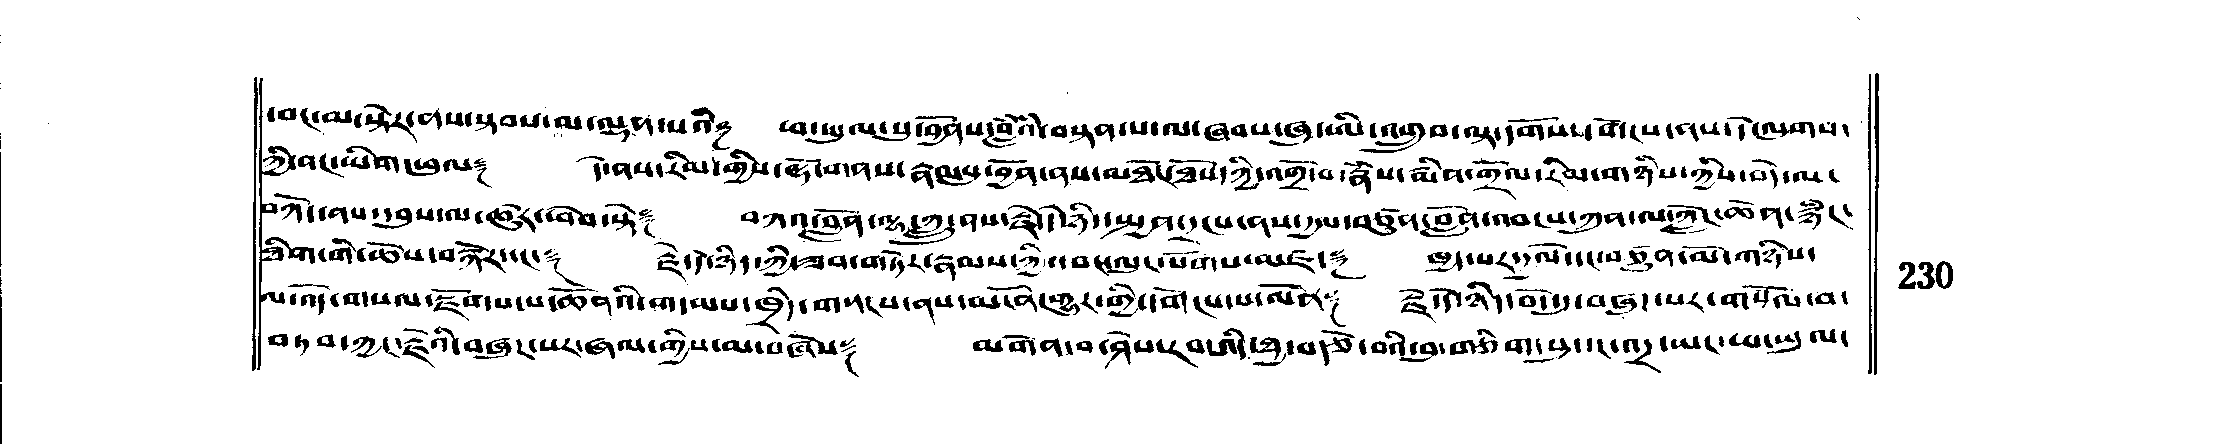དབང་མ་སྟེར་ནས་སྟབས་མ་ལྡན་པའི། ཕ་ཡུལ་དུ་བྱོན་པས་བླ་མའི་བསྟན་པ་ལ་ཞབས་ཞུ་ཨི་འགྲུབ་ལྟ་དགོས་དགོངས་ནས་དེ་ལུགས་
ཀྱི་བང་ཡིག་ཕུལ། དེ་ནས་རིམ་གྱིས་ལྷོ་གནས་རྣམས་སུ་བྱོན་ནས་མཐོང་ཐོས་ཀྱི་འགྲོ་བ་རྣམས་སྨིན་གྲོལ་རིམ་གཉིས་ཀྱིས་བདེ་ལ་
བཀོད་ནས་དབུས་ལ་ཚུར་ཕེབས་སྟེ། བཀའ་བློན་ལྷ་ཀླུ་ནས་རྗེ་དེ་ཉིད་སྤྱན་དྲངས་ནས་རྒྱལ་བཙུན་བློན་འབངས་ཀུན་ལ་ཀློང་ཆེན་སྙིང་
ཐིག་གི་ཆོས་སྐོར་དང་། རྗེ་དེ་ཉིད་ཀྱི་ཟབ་གཏེར་རྣམས་ཀྱི་དབང་ལུང་སོགས་མཛད། ཁྱད་པར་རྒྱལ་པོ་དང་བཙུན་མོ་གཉིས་
ལ་འོད་གསལ་རྫོགས་པ་ཆེན་པོའི་གདམས་ཁྲིད་གནང་ནས་མངོན་གྱུར་གྱི་དགོངས་པ་ལོན། རྗེ་དེ་ཉིད་བོད་དུ་བཞུགས་པར་གསོལ་བ་
བཏབ་ཀྱང་རྗེའི་བཞུགས་པར་ཞལ་གྱིས་མ་བཞེས།མགོན་བླ་ཤེས་རབ་འདི་ཐུགས་བརྩེ་བའི་བུ་གཅིག་པུ་དང་འདྲ་ཡང་ཕ་ཡུལ་